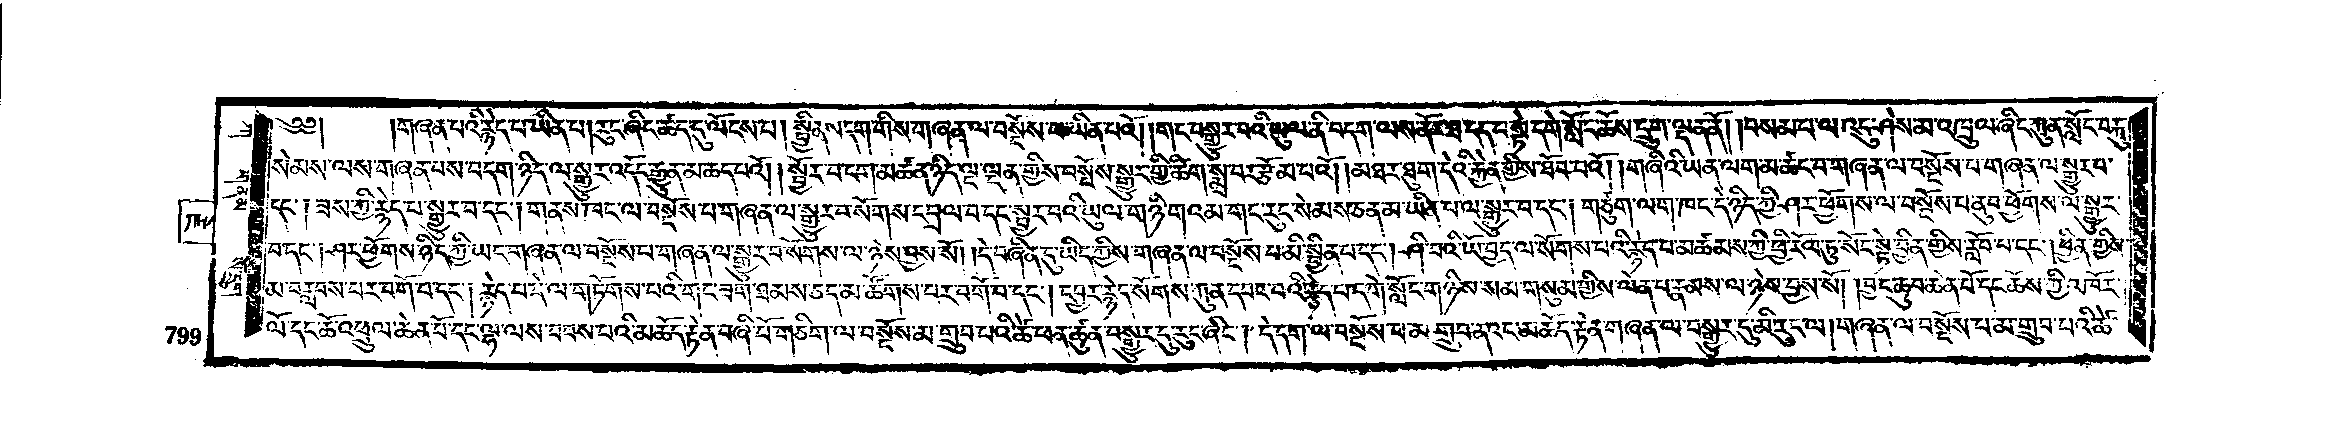༄༅། །གཞན་པའི་རྙེད་པ་ཡིན་པ། རུང་ཞིང་ཚད་དུ་ལོངས་པ། སྦྱིན་ནས་དག་གིས་གཞན་ལ་བསྔོས་པ་ཡིན་པའོ། །གང་བསྒྱུར་བའི་ཡུལ་ནི་བདག་ལས་ནོར་ཐ་དད་པ་སྟེ་དགེ་སློང་ཆོས་དྲུག་ལྡན་ནོ། །བསམ་པ་ལ་འདུ་ཤེས་མ་འཁྲུལ་ཞིང་ཀུན་སློང་བརྐུ་
སེམས་ལས་གཞན་པས་བདག་ཉིད་ལ་སྒྱུར་འདོད་རྒྱུན་མ་ཆད་པའོ། །སྦྱོར་བ་ངག་མཚན་ཉིད་ལྔ་ལྡན་གྱིས་བསྤོས་སྒྱུར་གྱི་ཚིག་སྨྲ་བར་རྩོམ་པའོ། །མཐར་ཐུག་དེའི་རྐྱེན་གྱིས་ཐོབ་པའོ། །གཞིའི་ཡན་ལག་མ་ཚང་བ་གཞན་ལ་བསྔོས་པ་གཞན་ལ་སྒྱུར་བ་
དང་། ཟས་ཀྱི་རྙེད་པ་སྒྱུར་བ་དང་། གནས་ཁང་ལ་བསྔོས་པ་གཞན་ལ་སྒྱུར་བ་སོགས་དབྲལ་བ་དང་སྦྱར་བའི་ཡུལ་གཉི་གའམ་གང་རུང་སེམས་ཅན་མ་ཡིན་པ་ལ་སྒྱུར་བ་དང་། གཙུག་ལག་ཁང་དེ་ཉིད་ཀྱི་ཤར་ཕྱོགས་ལ་བསྔོས་པ་ནུབ་ཕྱོགས་ལ་སྒྱུར་
བ་དང་། ཤར་ཕྱོགས་ཉིད་ཀྱི་ཡང་གཞན་ལ་བསྔོས་པ་གཞན་ལ་སྒྱུར་བ་སོགས་ལ་ཉེས་བྱས་སོ། །དེ་བཞིན་དུ་ཡིད་ཀྱིས་གཞན་ལ་བསྔོས་པ་མི་སྦྱིན་པ་དང་། ཤི་བའི་ཡོ་བྱད་ལ་སོགས་པའི་རྙེད་པ་མཚམས་ཀྱི་ཕྱི་རོལ་ཏུ་སོང་སྟེ་བྱིན་གྱིས་རློབ་པ་དང་། ཕྱིན་གྱིས་
མ་བརླབས་པར་བགོ་བ་དང་། རྙེད་པ་དེ་ལ་གཏོགས་པའི་གང་ཟག་ཐམས་ཅད་མ་ཚོགས་པར་བགོ་བ་དང་། དབྱར་རྙེད་སོགས་ཀུན་དབང་བའི་རྙེད་པ་དགེ་སློང་གཉིས་སམ་གསུམ་གྱིས་ལེན་པ་རྣམས་ལ་ཉེས་བྱས་སོ། །བྱང་ཆུབ་ཆེན་པོ་དང་ཆོས་ཀྱི་འཁོར་
ལོ་དང་ཆོ་འཕྲུལ་ཆེན་པོ་དང་ལྷ་ལས་བབས་པའི་མཆོད་རྟེན་བཞི་པོ་གཅིག་ལ་བསྔོས་མ་གྲུབ་པའི་ཚེ་ཕན་ཚུན་བསྒྱུར་དུ་རུང་ཞིང་། དེ་དག་ལ་བསྔོས་ཕ་མ་གྲུབ་ནའང་མཆོད་རྟེན་གཞན་ལ་བསྒྱུར་དུ་མི་རུང་ལ། གཞན་ལ་བསྔོས་པ་མ་གྲུབ་པའི་ཚེ་